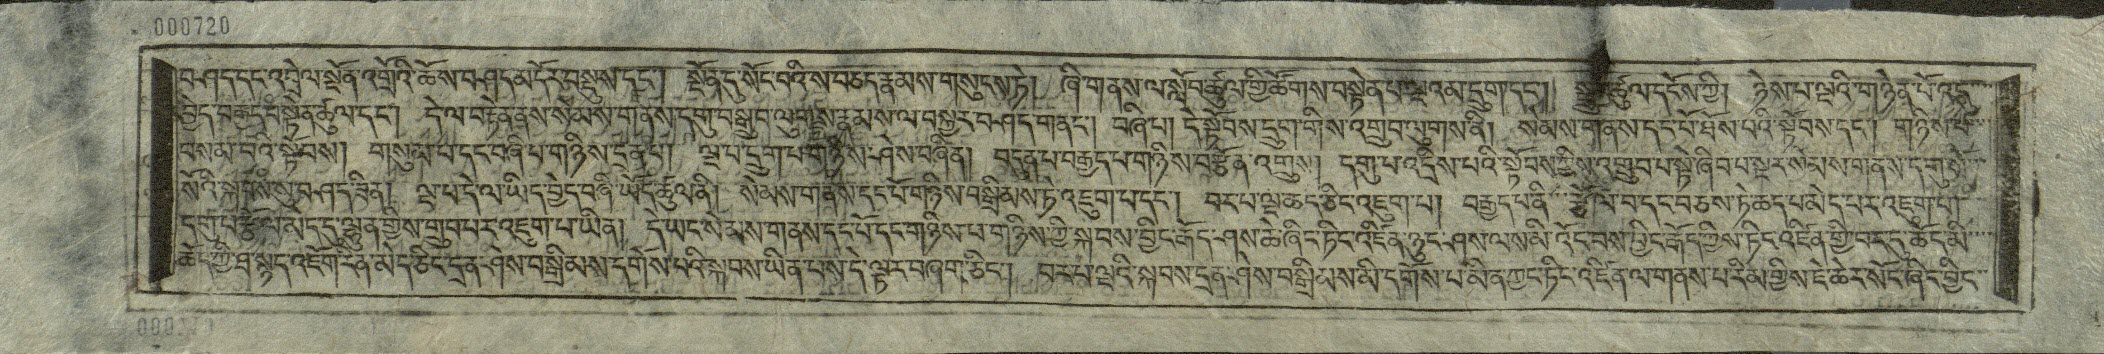བཤད་དང་འབྲེལ་སྔོན་འགྲོའི་ཆོས་བཤད་མདོར་བསྡུས་དང་། སྔོན་དུ་སོང་བའི་ས་བཅད་རྣམས་གསུངས་ཏེ། ཞི་གནས་ལ་སློབ་ཚུལ་གྱི་ཚོགས་བསྟེན་པ་ལྔའམ་དྲུག་དང་། སྒྲུབ་ཚུལ་དངོས་ཀྱི། ཉེས་པ་ལྔའི་གཉེན་པོ་འདུ་
བྱེད་བརྒྱད་བསྟེན་ཚུལ་དང་། དེ་ལ་བརྟེན་ནས་སེམས་གནས་དགུ་བསྒྲུབ་ལུགས་རྣམས་ལ་བསྐྱར་བཤད་གནང་། བཞི་པ། དེ་སྟོབས་དྲུག་གིས་འགྲུབ་ལུགས་ནི། སེམས་གནས་དང་པོ་ཐོས་པའི་སྟོབས་དང་། གཉིས་པ་
བསམ་པའི་སྟོབས། གསུམ་པ་དང་བཞི་པ་གཉིས་དྲན་པ། ལྔ་པ་དྲུག་པ་གཉིས་ཤེས་བཞིན། བདུན་པ་བརྒྱད་པ་གཉིས་བརྩོན་འགྲུས། དགུ་པ་འདྲིས་པའི་སྟོབས་ཀྱིས་འགྲུབ་པ་སྟེ་ཞིབ་པ་སྔར་སེམས་གནས་དགུ་སོ་
སོའི་སྐབས་སུ་བཤད་ཟིན། ལྔ་པ་དེ་ལ་ཡིད་བྱེད་བཞི་ཡོད་ཚུལ་ནི། སེམས་གནས་དང་པོ་གཉིས་བསྒྲིམས་ཏེ་འཇུག་པ་དང་། བར་པ་ལྔ་ཆད་ཅིང་འཇུག་པ། བརྒྱད་པ་ནི་རྩོལ་བ་དང་བཅས་ཏེ་ཆད་པ་མེད་པར་འཇུག་པ།
དགུ་པ་རྩོལ་མེད་དུ་ལྷུན་གྱིས་གྲུབ་པར་འཇུག་པ་ཡིན། དེ་ཡང་སེམས་གནས་དང་པོ་དང་གཉིས་པ་གཉིས་ཀྱི་སྐབས་བྱིང་རྒོད་ཤས་ཆེ་ཞིང་ཏིང་འཛིན་ཉུང་ཤས་ལས་མི་འོང་བས་བྱིང་རྒོད་ཀྱིས་ཏིང་འཛིན་གྱི་བར་དུ་ཆོད་མི་
ཆོད་ཀྱི་ཐ་སྙད་འཇོག་རིན་མེད་ཅིང་དྲན་ཤེས་བསྒྲིམས་དགོས་པའི་སྐབས་ཡིན་པས་དེ་ལྟར་བཞག་ཅིང་། བར་པ་ལྔའི་སྐབས་དྲན་ཤེས་བསྒྲིམས་མི་དགོས་པ་མིན་ཀྱང་ཏིང་འཛིན་ལ་གནས་པ་རིམ་གྱིས་ཇེ་ཆེར་སོང་ཞིང་བྱིང་